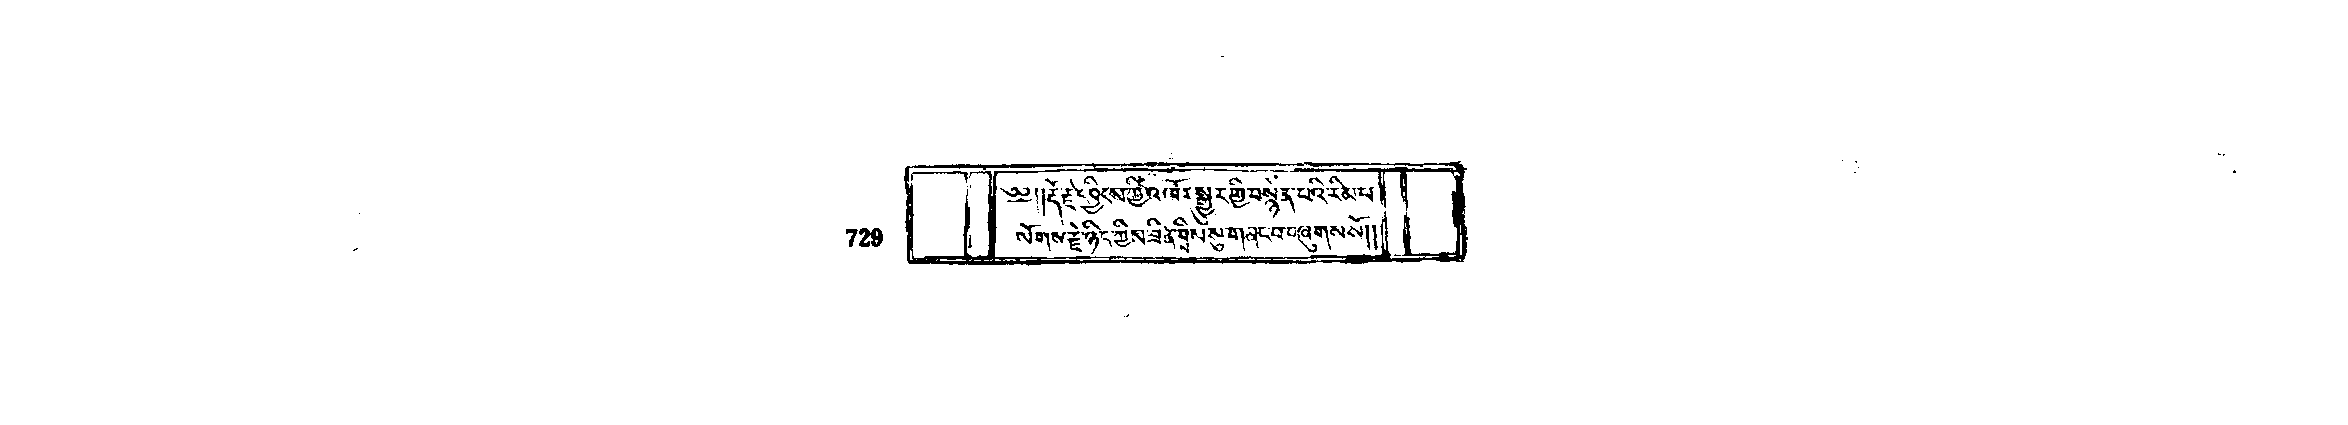༄༅། །རྡོ་རྗེ་དབྱིངས་ཀྱི་འཁོར་སྒྱུར་གྱི་བསྙེན་པའི་རིམ་པ་སོགས་རྗེ་ཉིད་ཀྱིས་ཟིན་བྲིས་སུ་གནང་བ་བཞུགས་སོ།།